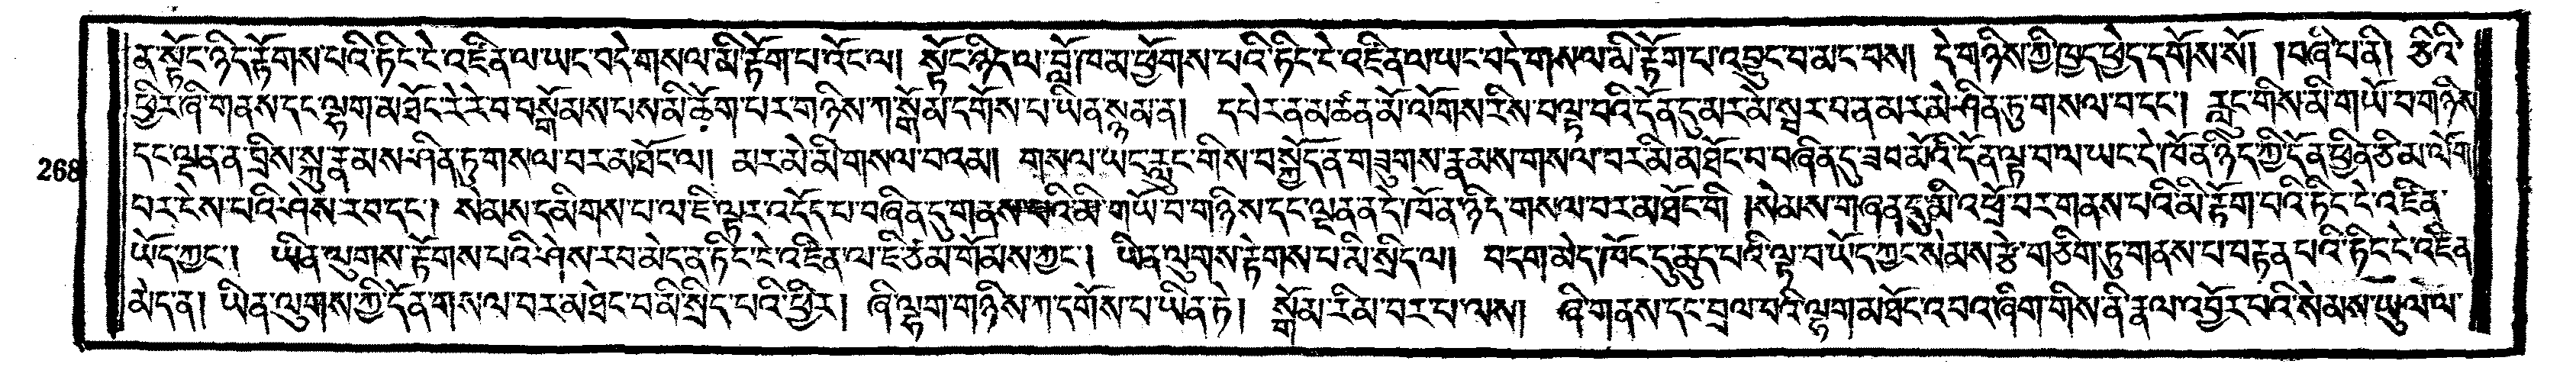ན་སྟོང་ཉིད་རྟོགས་པའི་ཏིང་ངེ་འཛིན་ལ་ཡང་བདེ་གསལ་མི་རྟོག་པ་འོང་ལ། སྟོང་ཉིད་ལ་བློ་ཁ་མ་ཕྱོགས་པའི་ཏིང་ངེ་འཛིན་ལ་ཡང་བདེ་གསལ་མི་རྟོག་པ་འབྱུང་བ་མང་བས། དེ་གཉིས་ཀྱི་ཁྱད་ཕྱེད་དགོས་སོ། །བཞི་པ་ནི། ཅིའི་
ཕྱིར་ཞི་གནས་དང་ལྷག་མཐོང་རེ་རེ་བ་བསྒོམས་པས་མི་ཆོག་པར་གཉིས་ཀ་སྒོམ་དགོས་པ་ཡིན་སྙམ་ན། དཔེར་ན་མཚན་མོ་ལོགས་རིས་བལྟ་བའི་དོན་དུ་མར་མེ་སྦར་བ་ན་མར་མེ་ཤིན་ཏུ་གསལ་བ་དང་། རླུང་གིས་མི་གཡོ་བ་གཉིས་
དང་ལྡན་ན་བྲིས་སྐུ་རྣམས་ཤིན་ཏུ་གསལ་བར་མཐོང་ལ། མར་མེ་མི་གསལ་བའམ། གསལ་ཡང་རླུང་གིས་བསྐྱོད་ན་གཟུགས་རྣམས་གསལ་བར་མི་མཐོང་བ་བཞིན་དུ་ཟབ་མོའི་དོན་ལྟ་བ་ལྟ་བ་ལ་ཡང་དེ་ཁོ་ན་ཉིད་ཀྱི་དོན་ཕྱིན་ཅི་མ་ལོག་
པར་ངེས་པའི་ཤེས་རབ་དང་། སེམས་དམིགས་པ་ལ་ཇི་ལྟར་འདོད་པ་བཞིན་དུ་གནས་པའི་མི་གཡོ་བ་གཉིས་དང་ལྡན་ན་དེ་ཁོ་ན་ཉིད་གསལ་བར་མཐོང་གི །སེམས་གཞན་དུ་མི་འཕྲོ་བར་གནས་པའི་མི་རྟོག་པའི་ཏིང་ངེ་འཛིན་
ཡོད་ཀྱང་། ཡིན་ལུགས་རྟོགས་པའི་ཤེས་རབ་མེད་ན་ཏིང་ངེ་འཛིན་ལ་ཇི་ཙམ་གོམས་ཀྱང་། ཡིན་ལུགས་རྟེགས་པ་མི་སྲིད་ལ། བདག་མེད་ཁོང་དུ་ཆུད་པའི་ལྟ་བ་ཡོད་ཀྱང་སེམས་རྩེ་གཅིག་ཏུ་གནས་པ་བརྟན་པའི་ཏིང་ངེ་འཛིན་
མེད་ན། ཡིན་ལུགས་ཀྱི་དོན་གསལ་བར་མཐེང་བ་མི་སྲིད་པའི་ཕྱིར། ཞི་ལྷག་གཉིས་ཀ་དགོས་པ་ཡིན་ཏེ། སྒོམ་རིམ་བར་བ་ལས། ཞི་གནས་དང་བྲལ་བའི་ལྷག་མཐོང་འབའ་ཞིག་གིས་ནི་རྣལ་འབྱོར་བའི་སེམས་ཡུལ་ལ་